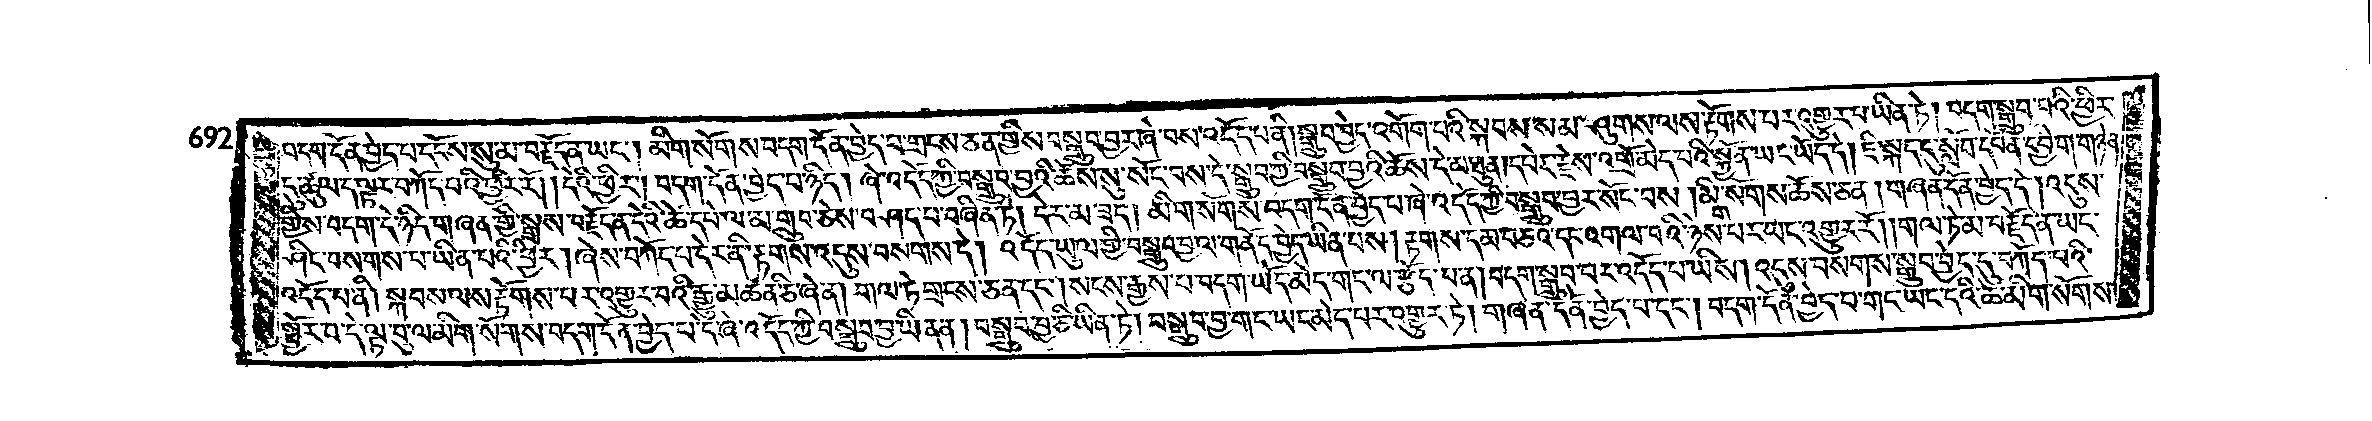བདག་དོན་བྱེད་པ་དངོས་སུ་མ་བརྗོད་ན་ཡང་། མིག་སོགས་བདག་དོན་བྱེད་པ་གྲངས་ཅན་གྱིས་བསྒྲུབ་བྱར་ཞེ་བས་འདོད་པ་ནི། སྒྲུབ་བྱེད་འགོག་པའི་སྐབས་སམ་ཤུགས་ལས་རྟོགས་པར་འགྱུར་པ་ཡིན་ཏེ། བདག་སྒྲུབ་པའི་ཕྱིར་
དུ་ཚུལ་ད་ལྟར་བཀོད་པའི་ཕྱིར་རོ། །དེའི་ཕྱིར། བདག་དོན་བྱེད་བྱེད་པ་ཉིད། ཞེ་འདོད་ཀྱི་བསྒྲུབ་བྱའི་ཆོས་སུ་སོང་བས་དེ་བསྒྲུབ་ཀྱི་བསྒྲུབ་བྱའི་ཆོས་དེ་མཐུན། དཔེར་རྗེས་འགྲོ་མེད་པའི་སྐྱོན་ཡང་ཡོད་དེ། ཇི་སྐད་དུ་སློབ་དཔོན་དབྱེག་གཉེན་གྱིས་བདག་དེ་ཉིད་གཞན་གྱི་སྒྲས་བརྗོད་ན་དེའི་ཚེ་དཔེ་ལ་མ་གྲུབ་ཅེས་བཤད་པ་བཞིན་ཏེ། དེར་མ་ཟད། མིག་སོགས་བདག་དོན་བྱེད་པ་ཞེ་འདོད་ཀྱི་བསྒྲུབ་བྱར་སོང་བས། མིག་སོགས་ཆོས་ཅན། གཞན་དོན་བྱེད་དེ། འདུས་
ཤིང་བསགས་པ་ཡིན་པའི་ཕྱིར། ཞེས་བཀོད་པ་དེར་ནི་རྟགས་འདུས་བསགས་དེ། འདོད་ཡུལ་གྱི་བསྒྲུབ་བྱ་ལ་གནོད་བྱེད་ཡིན་པས། རྟགས་དམ་བཅའ་དང་འགལ་བའི་ཉེས་པར་ཡང་འགྱུར་རོ། །གལ་ཏེ་མ་བརྗོད་ན་ཡང་
འདོད་པ་ནི། སྐབས་ལས་རྟོགས་པར་འགྱུར་བའི་རྒྱུ་མཚན་ཅི་ཞེ་ན། གལ་ཏེ་གྲངས་ཅན་དང་། སངས་རྒྱས་པ་བདག་ཡོད་མེད་གང་ལ་རྩོད་པ་ན། བདག་སྒྲུབ་པར་འདོད་པ་ཡིས། འདུས་བསགས་སྒྲུབ་བྱེད་དུ་བཀོད་པའི་
སྦྱོར་བ་དེ་ལྟ་བུ་ལ་མིག་སོགས་བདག་དོན་བྱེད་པ་དེ་ཞེ་འདོད་ཀྱི་བསྒྲུབ་བྱ་ཡིན་ན། བསྒྲུབ་བྱ་ཅི་ཡིན་ཏེ། བསྒྲུབ་བྱ་གང་ཡང་མེད་པར་འགྱུར་ཏེ། གཞན་དོན་བྱེད་པ་དང་། བདག་དོན་བྱེད་པ་གང་ཡང་དེའི་ཚེ་མིག་སོགས་